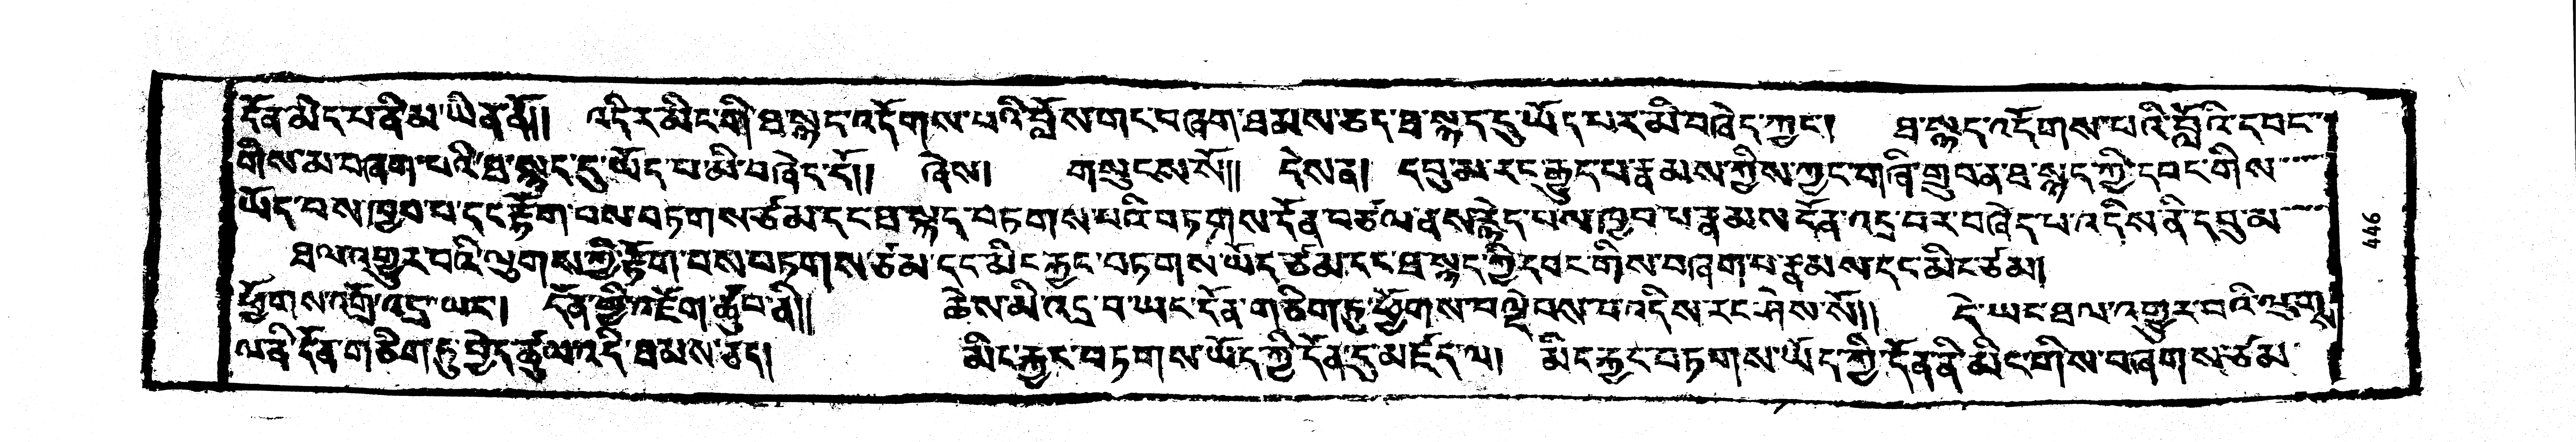དོན་མེད་པ་ནི་མ་ཡིན་ནོ།། འདིར་མིང་གི་ཐ་སྙད་འདོགས་པའི་བློས་གང་བཞག་ཐམས་ཅད་ཐ་སྙད་དུ་ཡོད་པར་མི་བཞེད་ཀྱང་། ཐ་སྙད་འདོགས་པའི་བློའི་དབང་
གིས་མ་བཞག་པའི་ཐ་སྙད་དུ་ཡོད་པ་མི་བཞེད་དོ།། ཞེས། གསུངས་སོ།། དེས་ན། དབུ་མ་རང་རྒྱུད་པ་རྣམས་ཀྱིས་ཀྱང་གཞི་གྲུབ་ན་ཐ་སྙད་ཀྱི་དབང་གིས་
ཡོད་པས་ཁྱབ་པ་དང་རྟོག་པས་བཏགས་ཙམ་དང་ཐ་སྙད་བཏགས་པའི་བཏགས་དོན་བཙལ་ནས་རྙེད་པས་ཁྱབ་པ་རྣམས་དོན་འདྲ་བར་བཞེད་པ་འདིས་ནི་དབུ་མ་
ཐལ་འགྱུར་བའི་ལུགས་ཀྱི་རྟོག་པས་བཏགས་ཙམ་དང་མིང་རྐྱང་བཏགས་ཡོད་ཙམ་དང་ཐ་སྙད་ཀྱི་དབང་གིས་བཞག་པ་རྣམས་དང་མིང་ཙམ།
ཕྱོགས་འགྲོ་འདྲ་ཡང་། དོན་གྱི་འཇོག་ཚུབ་ནི།། ཆེས་མི་འདྲ་བ་ཡང་དོན་གཅིག་ཏུ་ཕྱོགས་བལྡེ་བས་པ་འདིས་རང་ཤེས་སོ།། དེ་ཡང་ཐལ་འགྱུར་བའི་ལུགས་
ལ་ནི་དོན་གཅིག་ཏུ་བྱེད་ཚུལ་འདི་ཐམས་ཅད། མིང་རྐྱང་བཏགས་ཡོད་ཀྱི་དོན་དུ་མཛད་ལ། མིང་རྐྱང་བཏགས་ཡོད་ཀྱི་དོན་ནི་མིང་གིས་བཞགས་ཙམ་